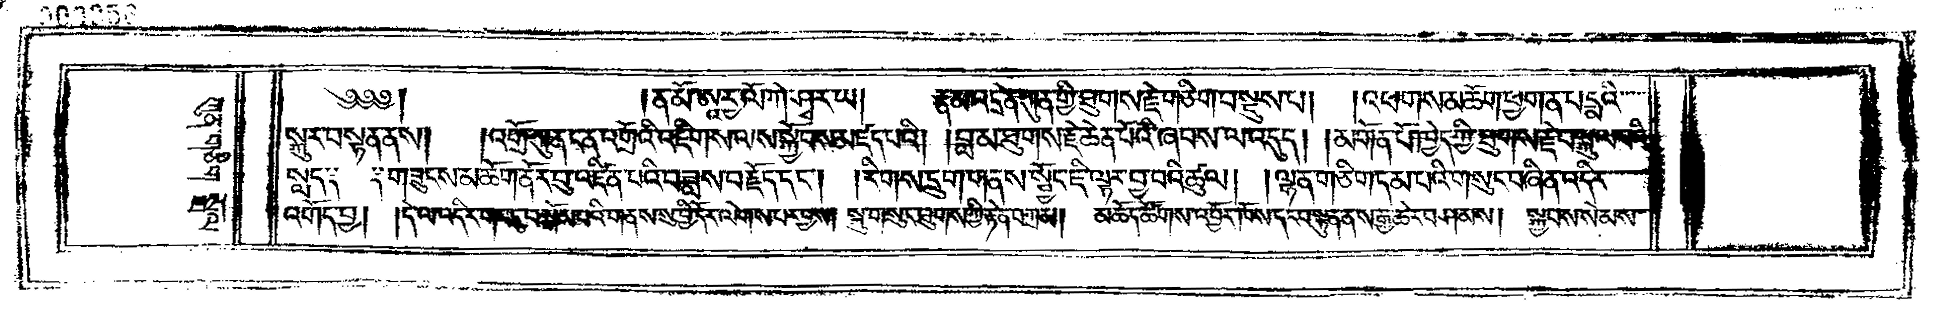༄༅༅། །ན་མོ་ཨཱ་རྱ་ལོ་ཀེ་ཤྭར་ཡ། རྣམ་འདྲེན་ཀུན་གྱི་ཐུགས་རྗེ་གཅིག་བསྡུས་པ། །འཕགས་མཆོག་ཕྱག་ན་པདམའི་
སྐུར་བསྟན་ནས། །འགྲོ་ཀུན་ངན་འགྲོའི་འཇིགས་ལས་སྐྱོབས་མཛད་པའི། །བླ་མ་ཐུགས་རྗེ་ཆེན་པོའི་ཞབས་ལ་འདུད། །མགོན་པོ་ཁྱེད་ཀྱི་ཐུགས་རྗེ་བསྐུལ་བའི་
སླང༑ ༑གཟུངས་མཆོག་ནོར་བུ་འཛིན་པའི་བཟླས་བརྗོད་དང་། །རིགས་དྲུག་གནས་སྦྱོང་ཇི་ལྟར་བྱ་བའི་ཚུལ། །ལྷན་གཅིག་དམ་པའི་གསུང་བཞིན་འདིར་
འགོད་བྱ། །དེ་ལ་འདིར་གང་དུ་བསྒོམ་པའི་གནས་སུ་བྱི་དོར་ལེགས་པར་བྱས། སྐུ་གསུང་ཐུགས་ཀྱི་རྟེན་བཀྲམ། མཆོད་ཚོགས་འབྱོར་ཁོས་དང་བསྟུན་ནས་རྒྱ་ཆེར་བཤམས། སྐྱབས་སེམས་